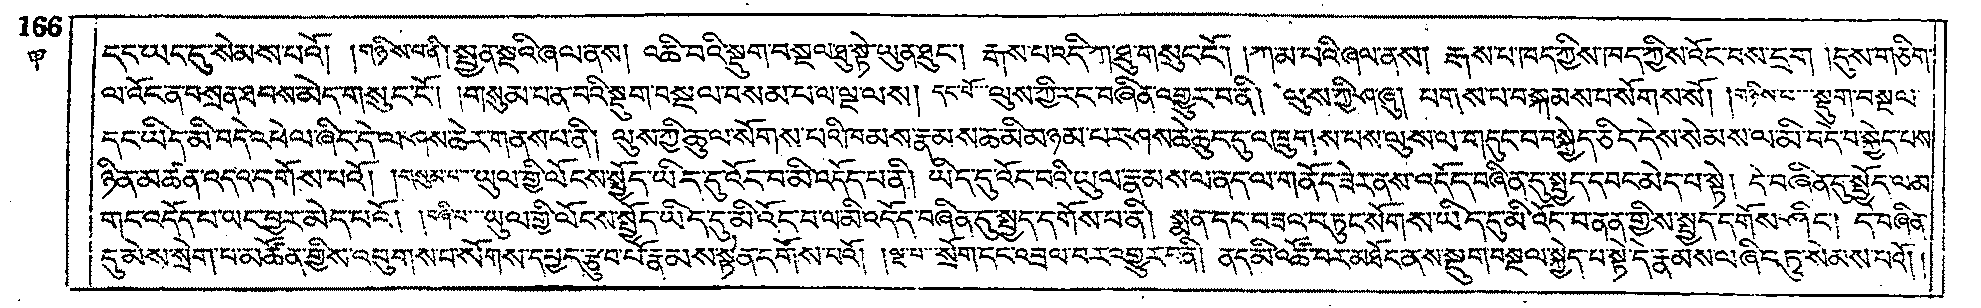དང་ཡང་དུ་སེམས་པའོ། །གཉིས་པ་ནི། སྤྱན་སྔའི་ཞལ་ནས། འཆི་བའི་སྡུག་བསྔལ་ཐུ་སྟེ་ཡུན་ཐུང་། རྒས་པ་འདི་ཀ་ཐུ་གསུང་ངོ། །ཀ་མ་པའི་ཞལ་ནས། རྒས་པ་ཁད་ཀྱིས་ཁད་ཀྱིས་འོང་བས་དྲག །དུས་གཅིག་
ལ་འོང་ན་བསྲན་ཐབས་མེད་གསུང་ངོ། །གསུམ་པ་ན་བའི་སྡུག་བསྔལ་བསམ་པ་ལ་ལྔ་ལས། དང་པོལུས་ཀྱི་རང་བཞིན་འགྱུར་བ་ནི། ལུས་ཀྱི་ཤ་ཞུ། པགས་པ་བསྐམས་པ་སོགས་སོ། །གཉིས་པསྡུག་བསྔལ་
དང་ཡིད་མི་བདེ་འཕེལ་ཞིང་དེ་ལ་ཤས་ཆེར་གནས་པ་ནི། ལུས་ཀྱི་ཆུ་ལ་སོགས་པའི་ཁམས་རྣམས་ཆ་མི་མཉམ་པར་ཤས་ཆེ་ཆུང་དུ་འཁྲུགས་པས་ལུས་ལ་གདུང་བ་བསྐྱེད་ཅིང་དེས་སེམས་ལ་མི་བདེ་བ་སྐྱེད་པས་
ཉིན་མཚན་འདའ་དགོས་པའོ། །གསུམ་པཡུལ་གྱི་ལོངས་སྤྱོད་ཡིད་དུ་འོང་བ་མི་འདོད་པ་ནི། ཡིད་དུ་འོང་བའི་ཡུལ་རྣམས་ལ་ནད་ལ་གནོད་ཟེར་ནས་འདོད་བཞིན་དུ་སྤྱད་དབང་མེད་པ་སྟེ། དེ་བཞིན་དུ་སྤྱོད་ལམ་
གང་འདོད་པ་ཡང་བྱར་མེད་པའོ། །བཞི་པཡུལ་གྱི་ལོངས་སྤྱོད་ཡིད་དུ་མི་འོང་བ་ལ་མི་འདོད་བཞིན་དུ་སྤྱད་དགོས་པ་ནི། སྨན་དང་བཟའ་བཏུང་སོགས་ཡིད་དུ་མི་འོང་བ་ནན་གྱིས་སྤྱད་དགོས་ཤིང་། དེ་བཞིན་
དུ་མེས་སྲེག་པ་མཚོན་གྱིས་འབུགས་པ་སོགས་དཔྱད་རྩུབ་པོ་རྣམས་སྟེན་དགོས་པའོ། །ལྔ་པསྲོག་དང་འབྲལ་བར་འགྱུར་བ་ནི། ནད་མི་འཚོ་བར་མཐོང་ནས་སྡུག་བསྔལ་སྐྱེད་པ་སྟེ་དེ་རྣམས་ལ་ཞིབ་ཏུ་སེམས་པའོ། །